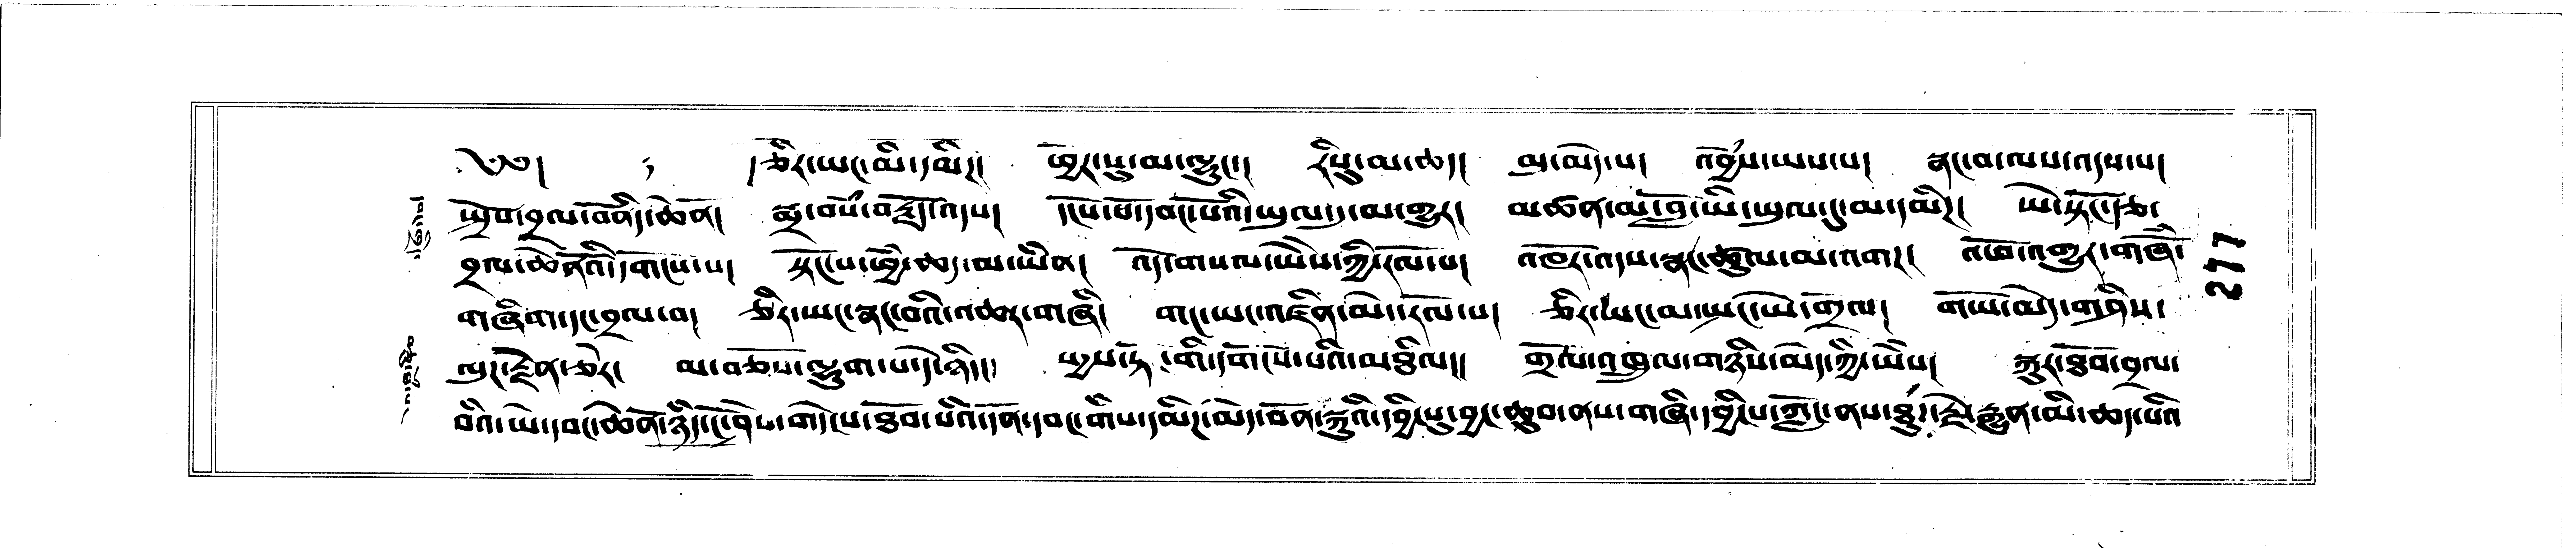ཅིར་ཡང་མི་དམིགས། ཕྱོགས་སུ་མ་ལྷུང་། རིས་སུ་མ་ཆད། མུ་མེད་པ། འབྱམས་ཡས་པ། སྣང་བ་ལས་འདས་པ། 
སྤྲོས་བྲལ་བོན་ཉིད་ཆེན་པོ། སྨྲ་བསམ་བརྗོད་འདས། དངོས་པོ་དབང་པོའི་ཡུལ་དུ་མ་གྱུར། མཚན་མ་བློ་ཡི་ཡུལ་དུ་མ་དམིགས། ཡེ་སྟོང་རྩ་
བྲལ་ཆེན་པོའི་དགོངས་པ། སྟོང་པ་ཕྱམ་ཆད་མ་ཡིན། འོད་གསལ་ཡེ་ཤེས་ཀྱི་རོལ་པ། འཁོར་འདས་སྣང་ཚུལ་མ་འགག། འཕོ་འགྱུར་གཞོམ་
གཞིག་དང་བྲལ་བ། ཅིར་ཡང་སྣང་བའི་འཆར་གཞི། གང་ཡང་འཛིན་མེད་རོལ་པ། ཅིར་ཡང་མ་སྤང་ཡེ་གྲོལ། གཡོ་མེད་གཤིས་
ལུགས་རྗེན་ཅེར། མ་བཅོས་ལྷུག་པ་དེ་ཉིད། སངས་རྒྱས་སྟོང་གི་དགོངས་པའི་མཐིལ། གྲོལ་འཁྲུལ་གཉིས་མེད་ཀྱི་ཡེ་ཤེས། སྐུར་ཐོབ་བྲལ་
བའི་ཡེ་དབང་ཆེན་པོ་ཉིད་ངོ་ཤེས་གདེང་ཐོབ་པའི་དོན་དབང་གིས་དམིགས་མེད་བོན་སྐུའི་དབྱིངས་སུ་བྱང་ཆུབ་ནས་གཞི་དབྱིངས་ཀློང་ནས་ཐུགས་རྗེ་རྒྱུན་མི་འཆད་པའི་